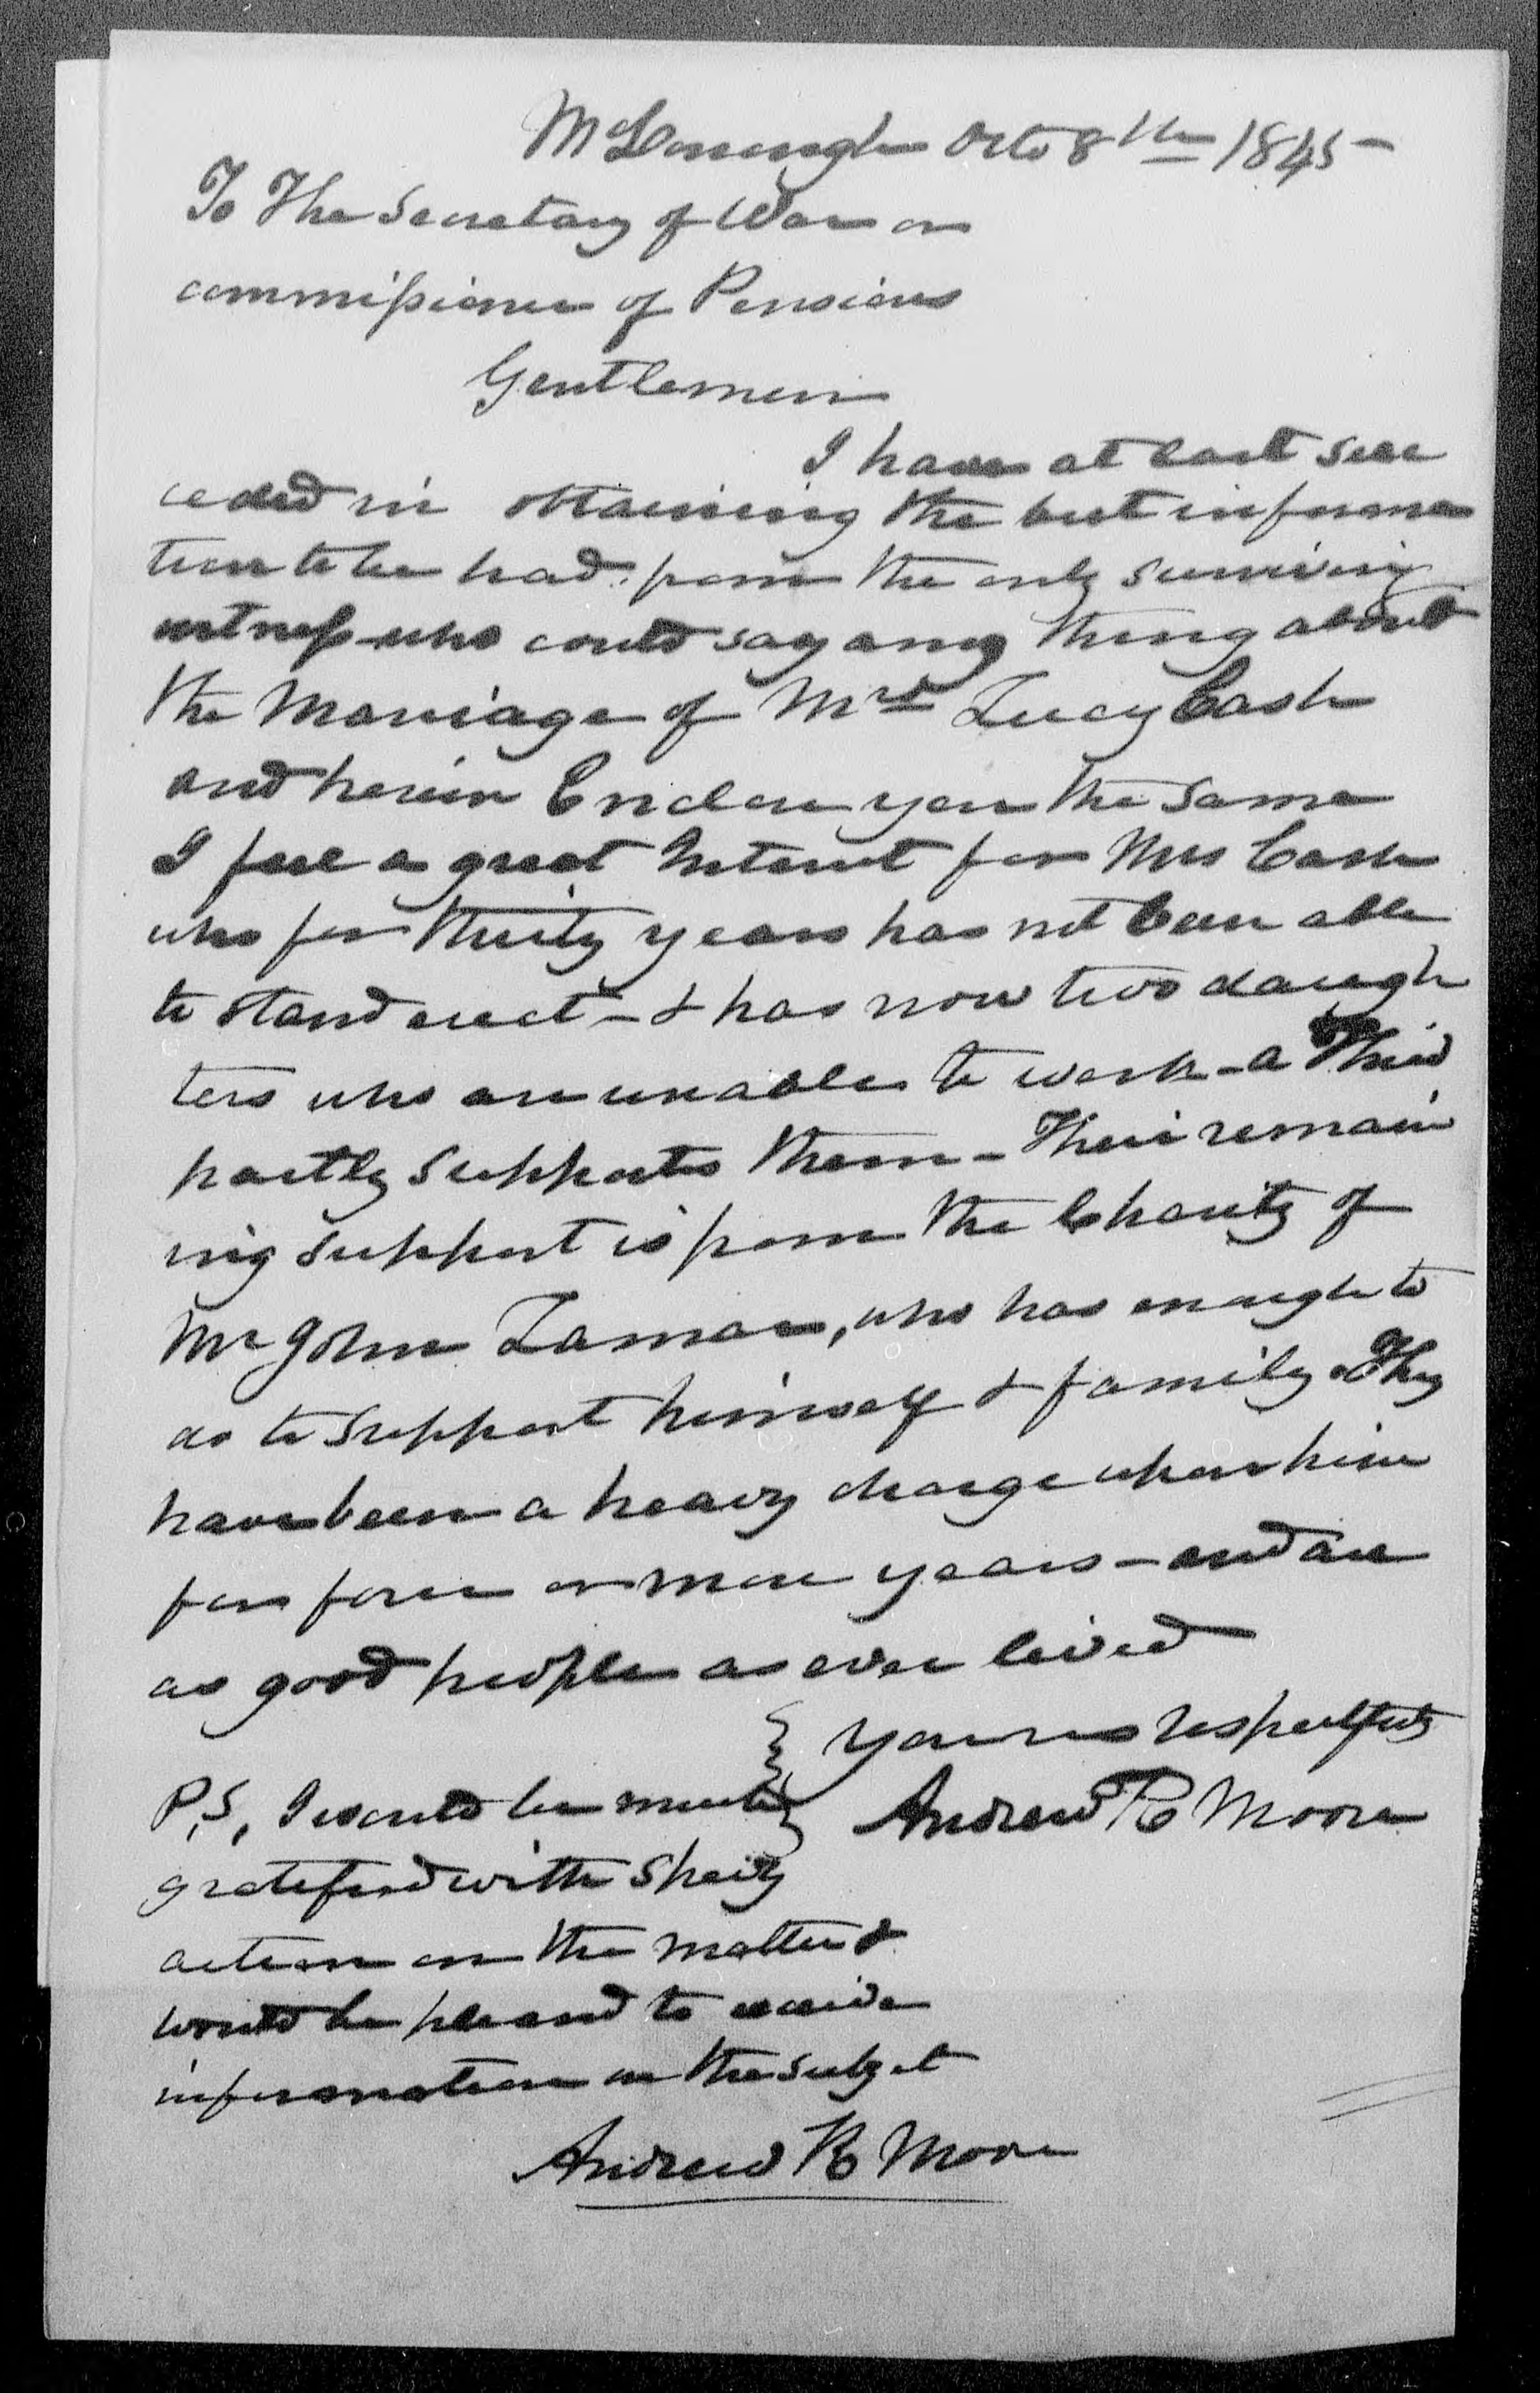McDonough Oct 8th 1845
To the Secretary of War on
commissioner of Pensions
Gentlemen
I have at last succeeded in obtaining the best information   to be had from the only surviving witness who could say any thing about the Marriage of Mrs. Lucy Cash and herein Enclose you the same.  I feel a great intent for Mrs. Cash who for thirty years has not been able to stand erect & has now two daughters as are unable to work a thus hardly supports them. Their remaining support is from the charity of John Lamar, who has enough to
to support himself & family they
have been a heavy charge for him
for four or more years - and an as good people as ever lived.
your respectfully
Andrew R. Moore

P.S. Should be much
gratified with speedy
action on the matter &
would he please to send
information on the subject
Andrew R Moore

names: John Lamar, Cash, Lucy Cash, Andrew R Moore, Andrew R Moore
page: 50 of 73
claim: widow's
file: W. 5,894, John Cash, Va.